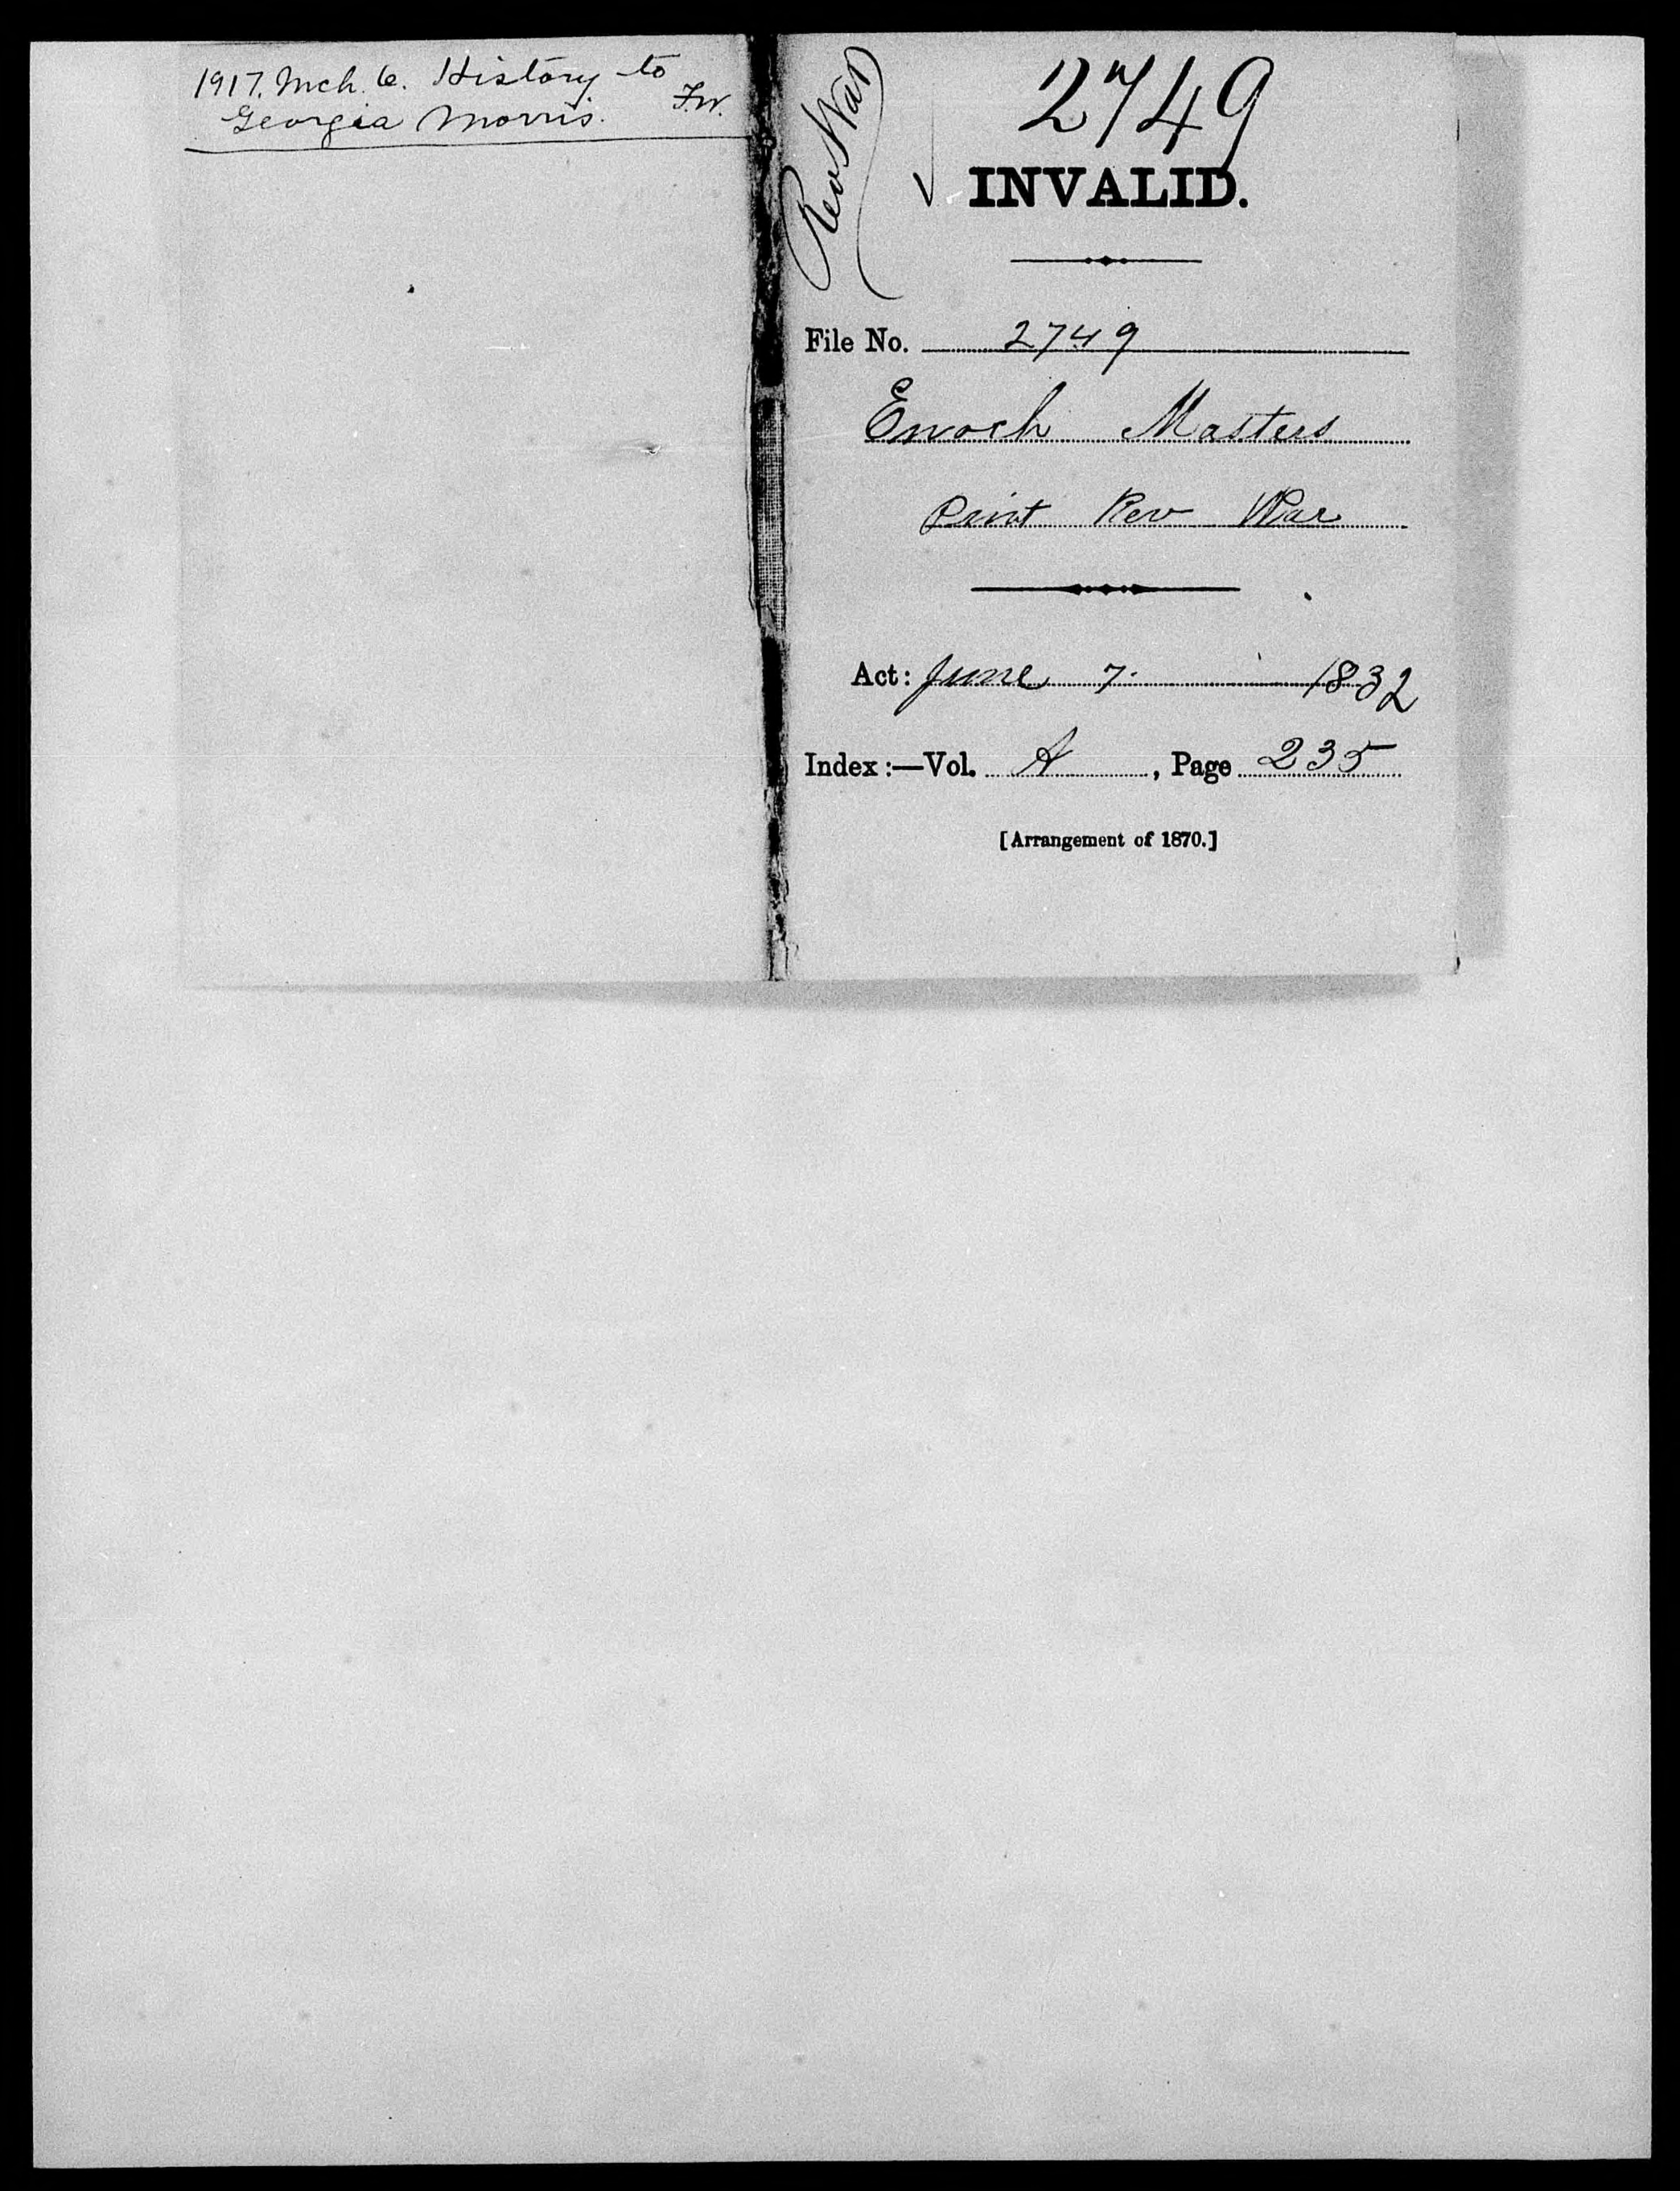[left side of page]
1917. Mch 6. History to Georgia Morris  F.W.

[right side of page]

Rev War
2749
INVALID.

File No. 2749
Enoch Masters
Privat Rev War

Act June 7 1832
Index:--Vol. A, Page 235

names: Georgia Morris; Enoch Masters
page: 11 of 15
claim: survivor's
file: S. 2749, for Enoch Masters, North Carolina